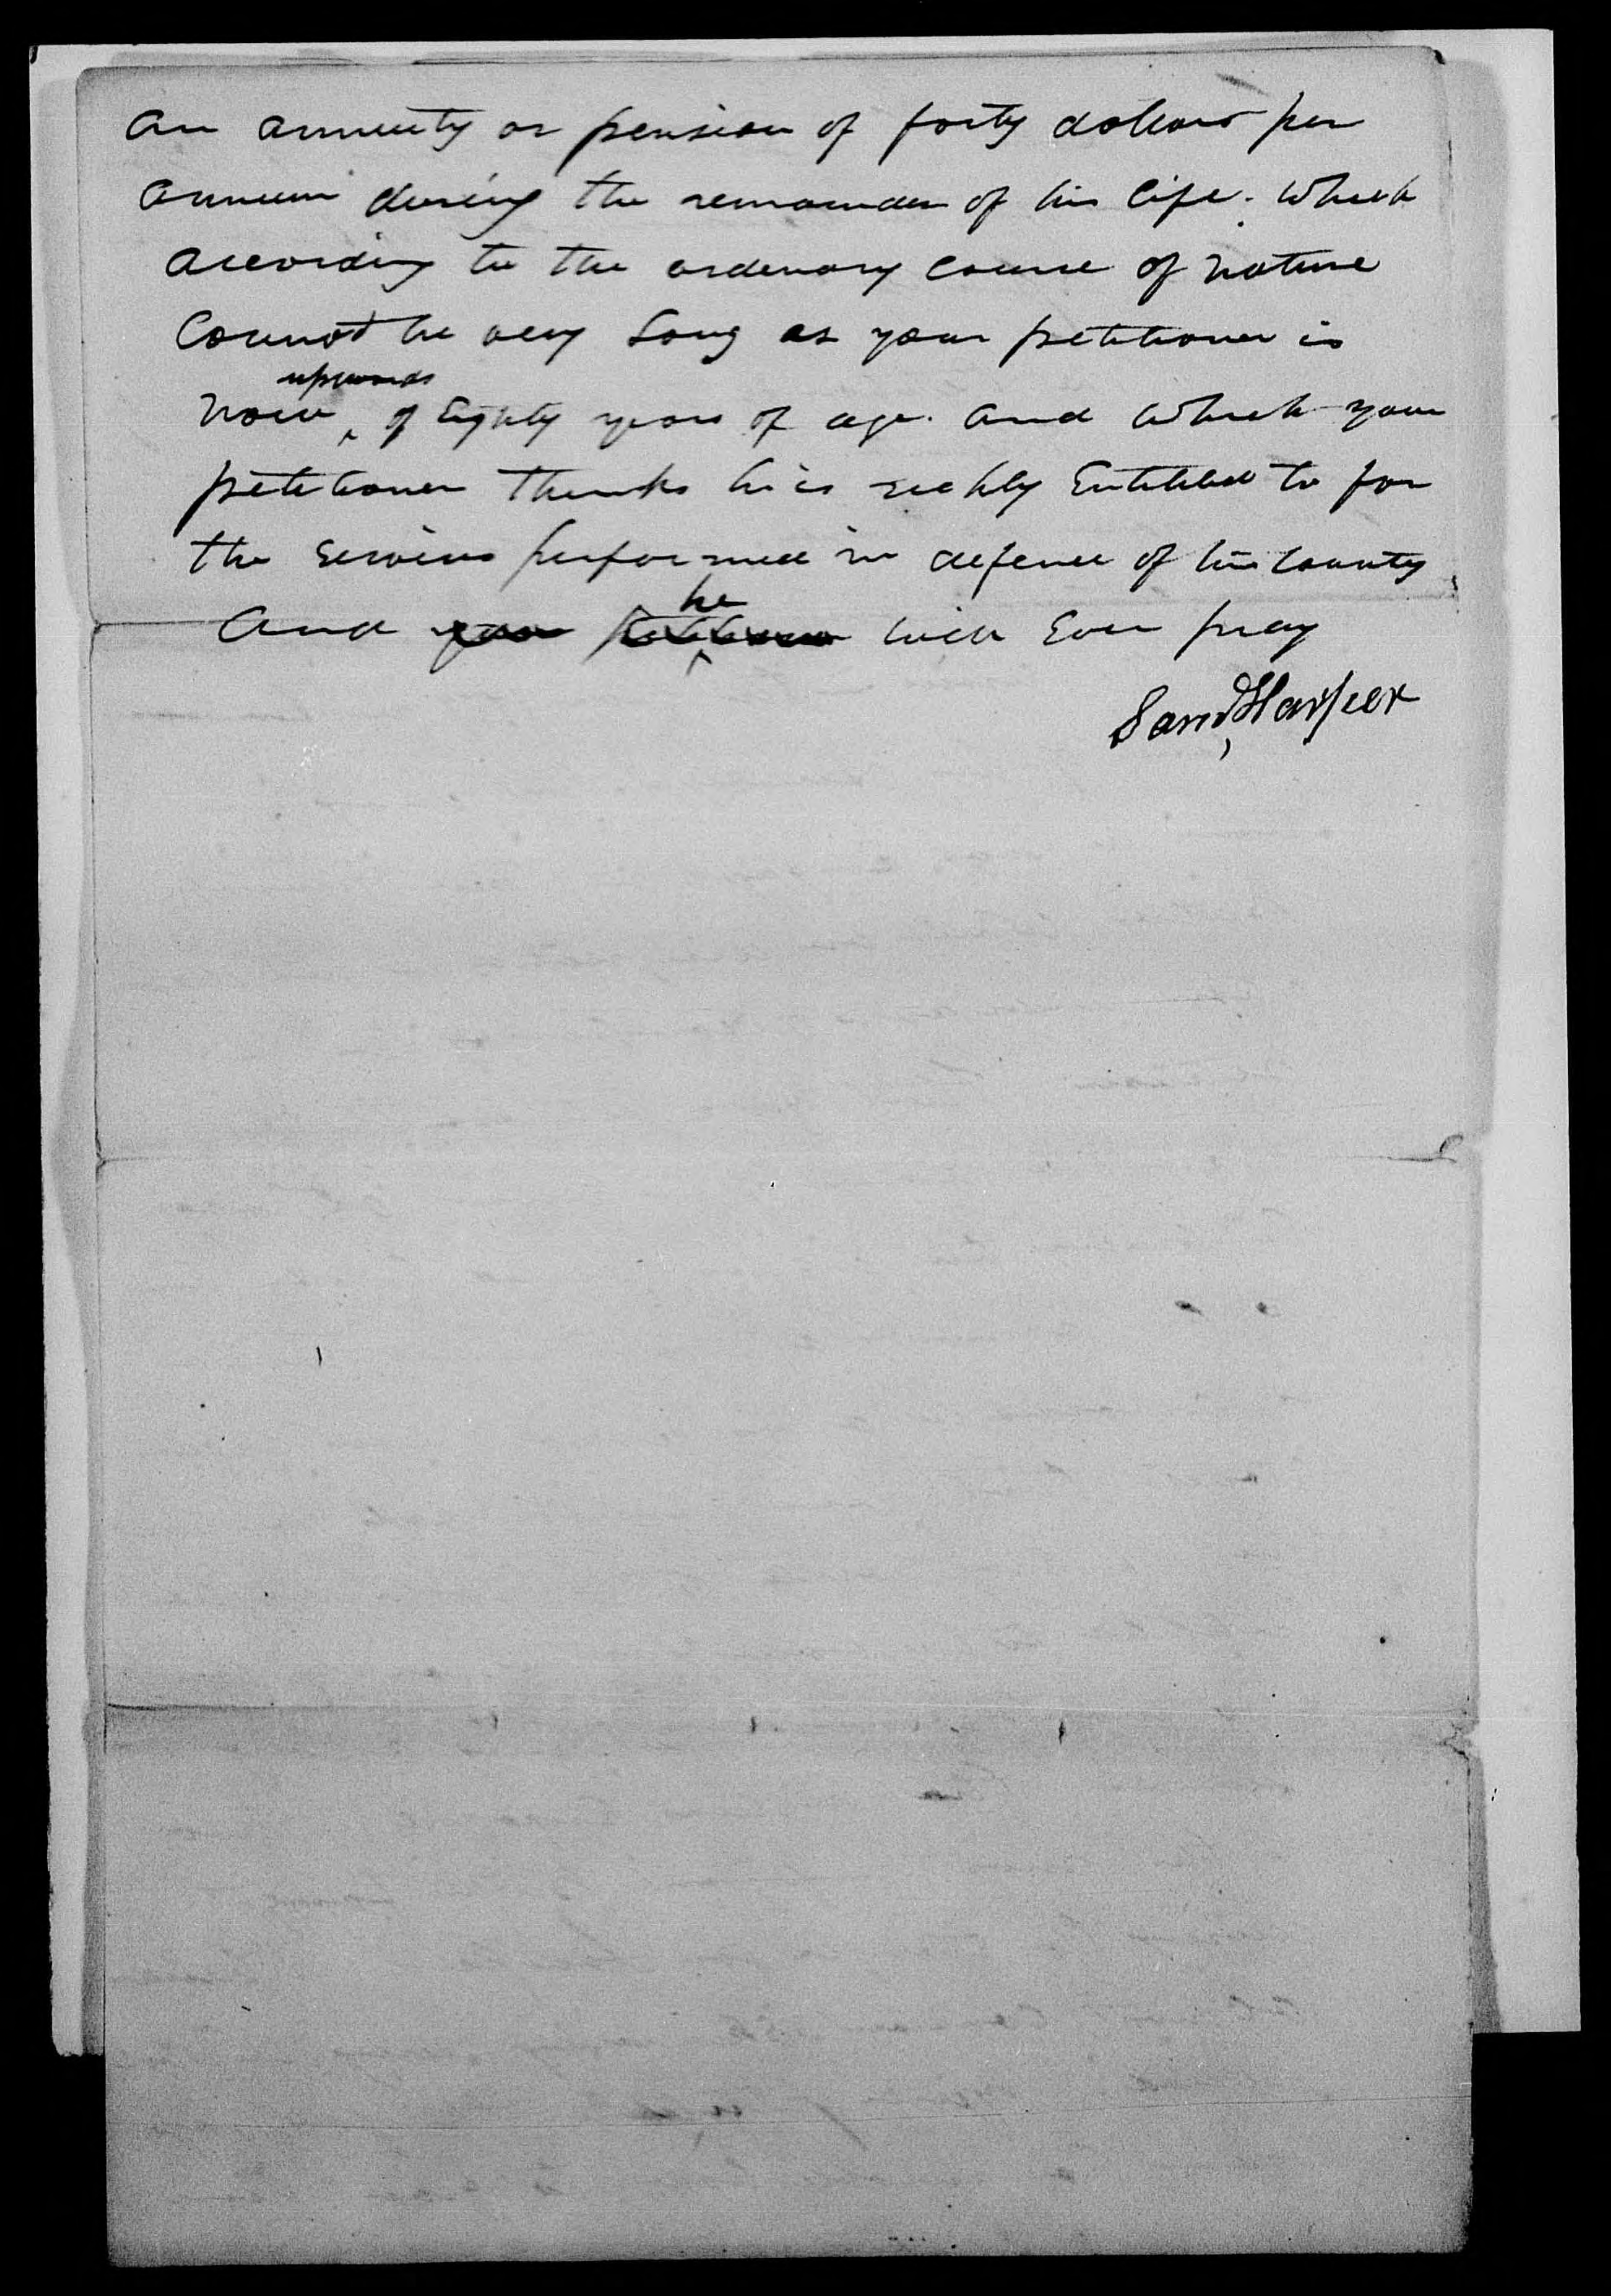an annuity or pension of forty dollars per
annum during the remainder of his life which
according to the ordinary course of Nature
cannot be any long as your petitioner is
now upwards of Eighty years of age. and which your petitioner think he is richly entitled to for
the services performed in defence of his Country
and he will ever pray
Saml Harper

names: Saml Harper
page: 81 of 81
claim: survivor's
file: S. 1908, Richard Harper, N.C.